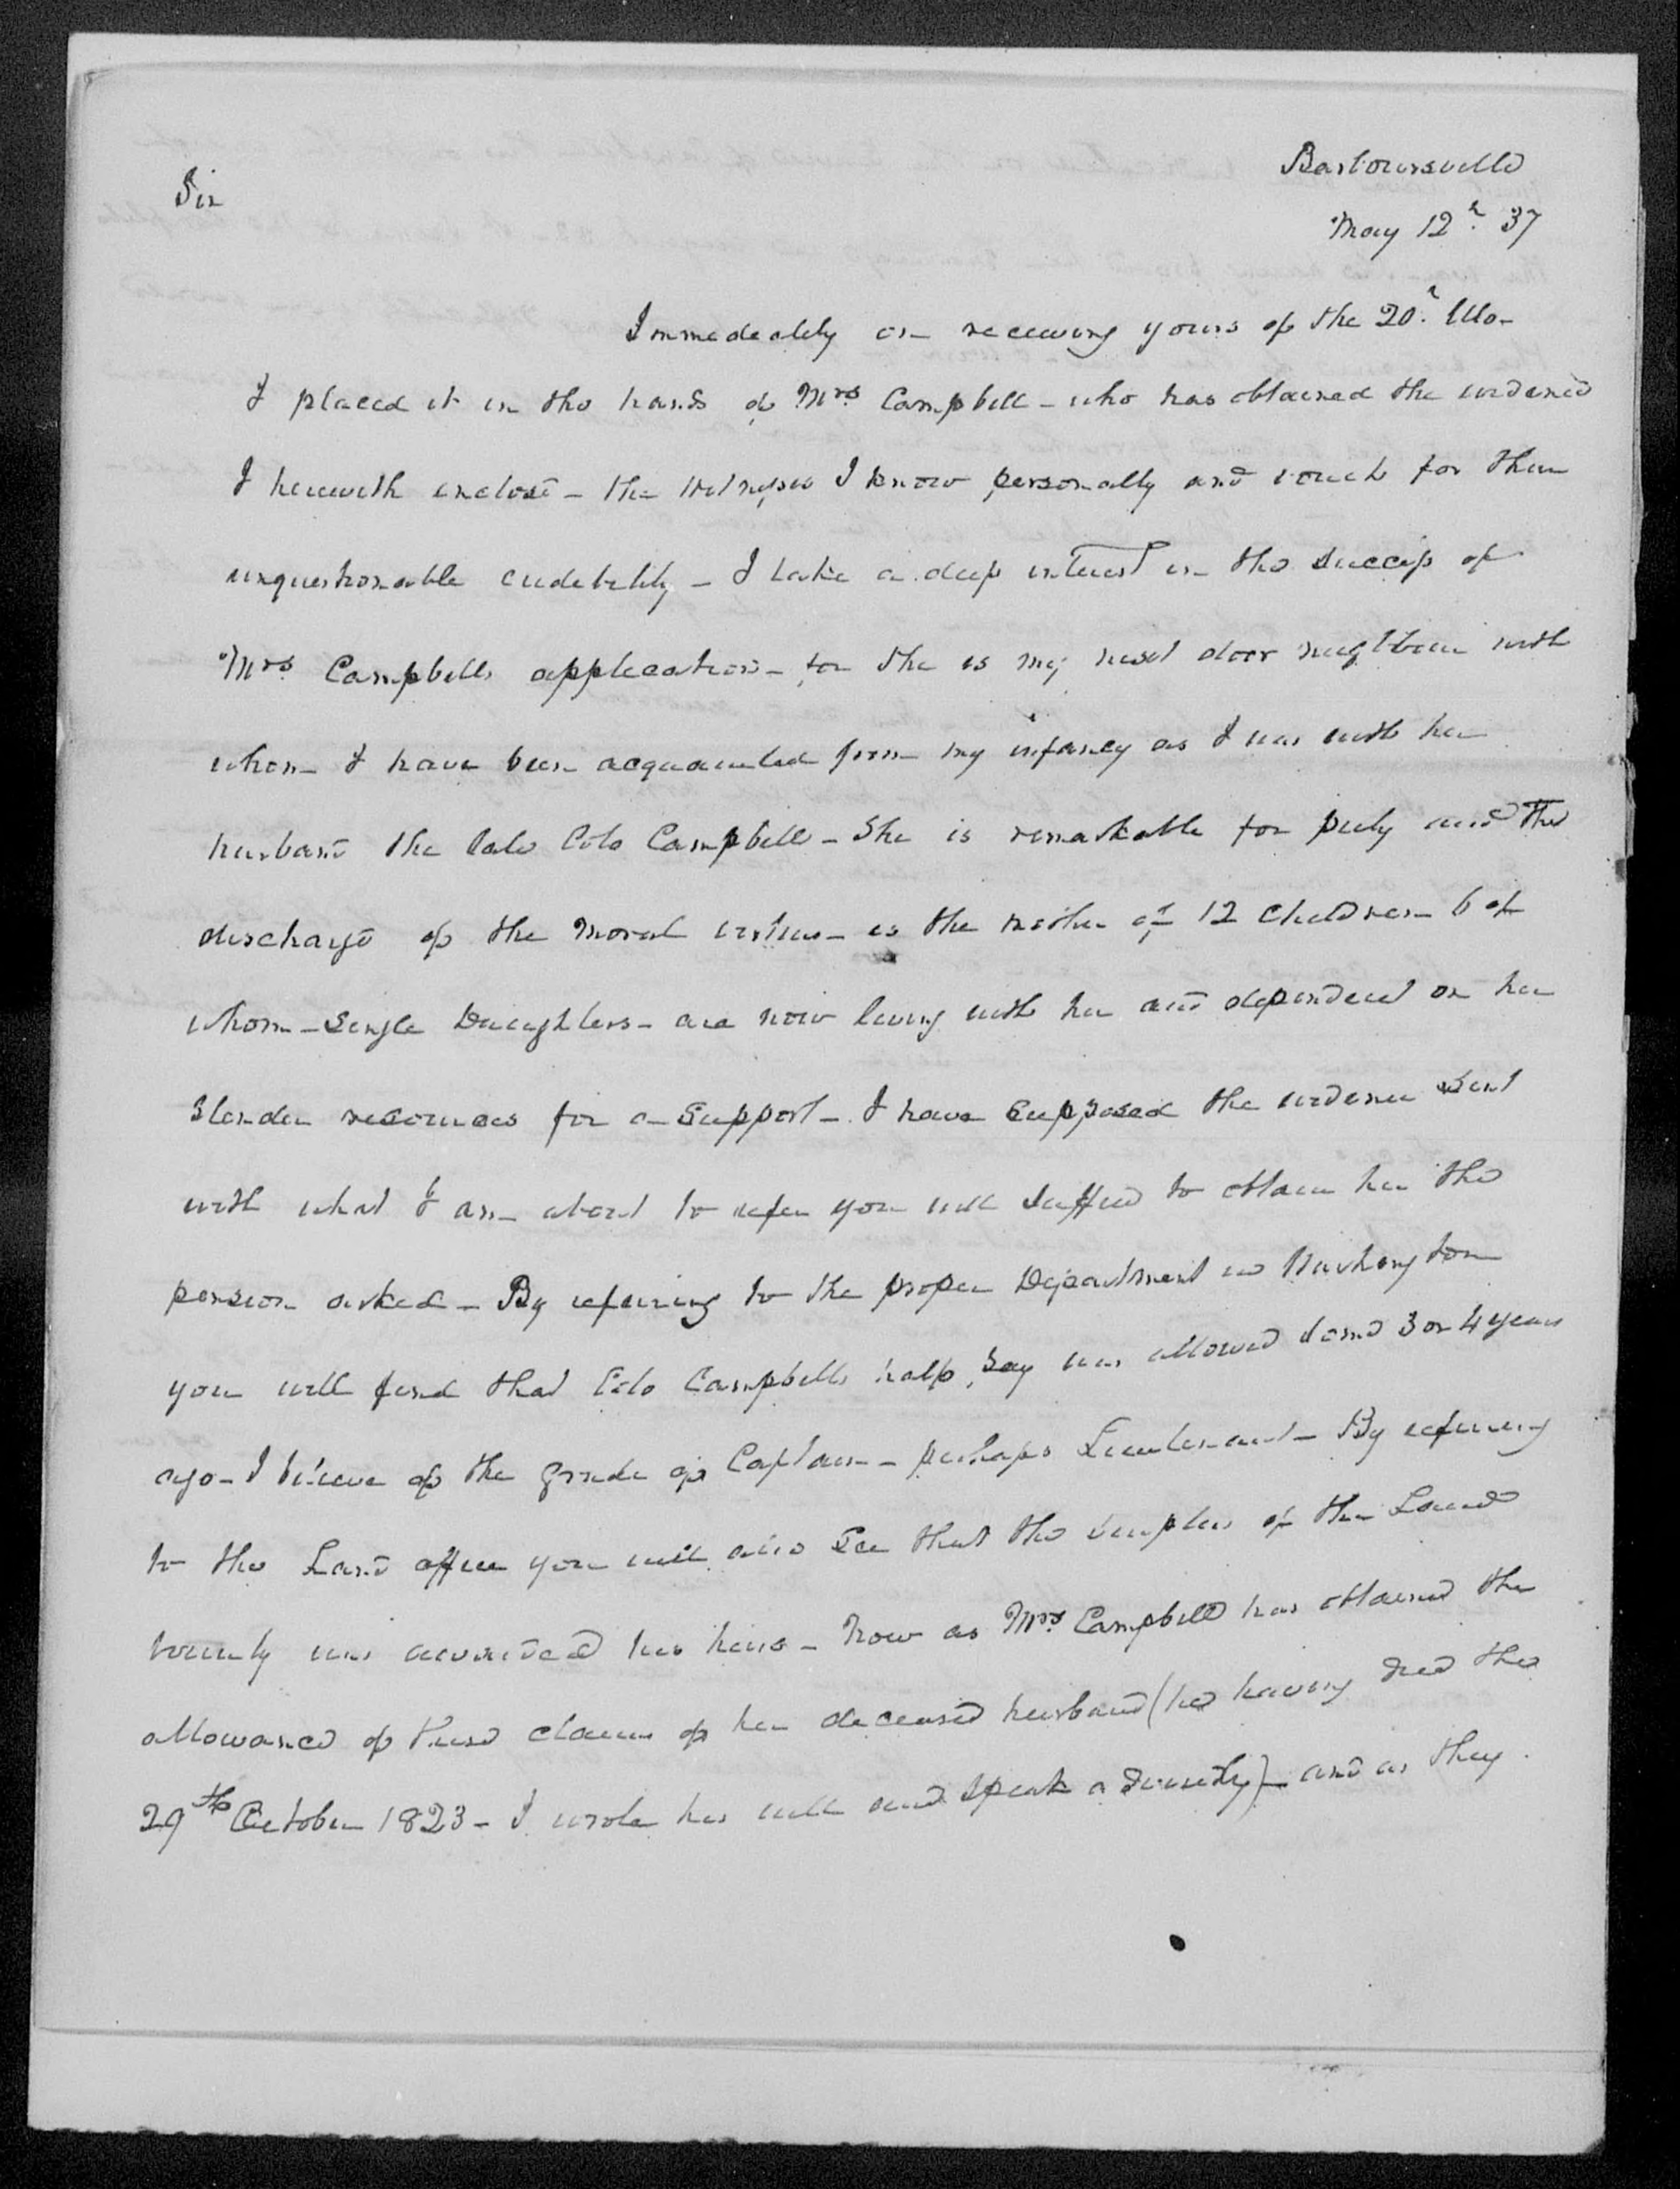Barboursville
May 12th 37

Sir
Immediately on receiving yours of the 20th Ulto. I placed it in the hands of Mrs. Campbell who has obtained the evidence I enclose herewith.  The witnesses I know personally and vouch for their unquestionable credibility.  I take a deep interest in the success of Mrs. Campbell's application for she is my next door neighbor with who I have been acquainted from my infancy as I was with her husband the late Colo. Campbell.  She is remarkable for piety and the discharge of the moral [illegible] as the mother of 12 children - 6 of whom single daughters - are now living with her and dependent on her slender resources for a support.  I have supposed the evidence sent with what I am about to refer you will suffice to obtain her the pension asked.  By referring to the property department in Washington you will find that Colo. Campbell's half pay was allowed some 3 or 4 years ago.  I believe on the grade as Captain - perhaps Lieutenant.  By referring to the Land Office you will also see that the [illegible] of the Land warrant was according his heirs.  Now as Mrs. Campbell has obtained the allowance of these claims of her deceased husband (he having died the 29th October 1823 - I wrote his will and speak directly_ - and as they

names: Campbell, Campbell, Campbell, Campbell, Campbell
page: 192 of 267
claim: widow's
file: W. 4,149, William Campbell, Va.